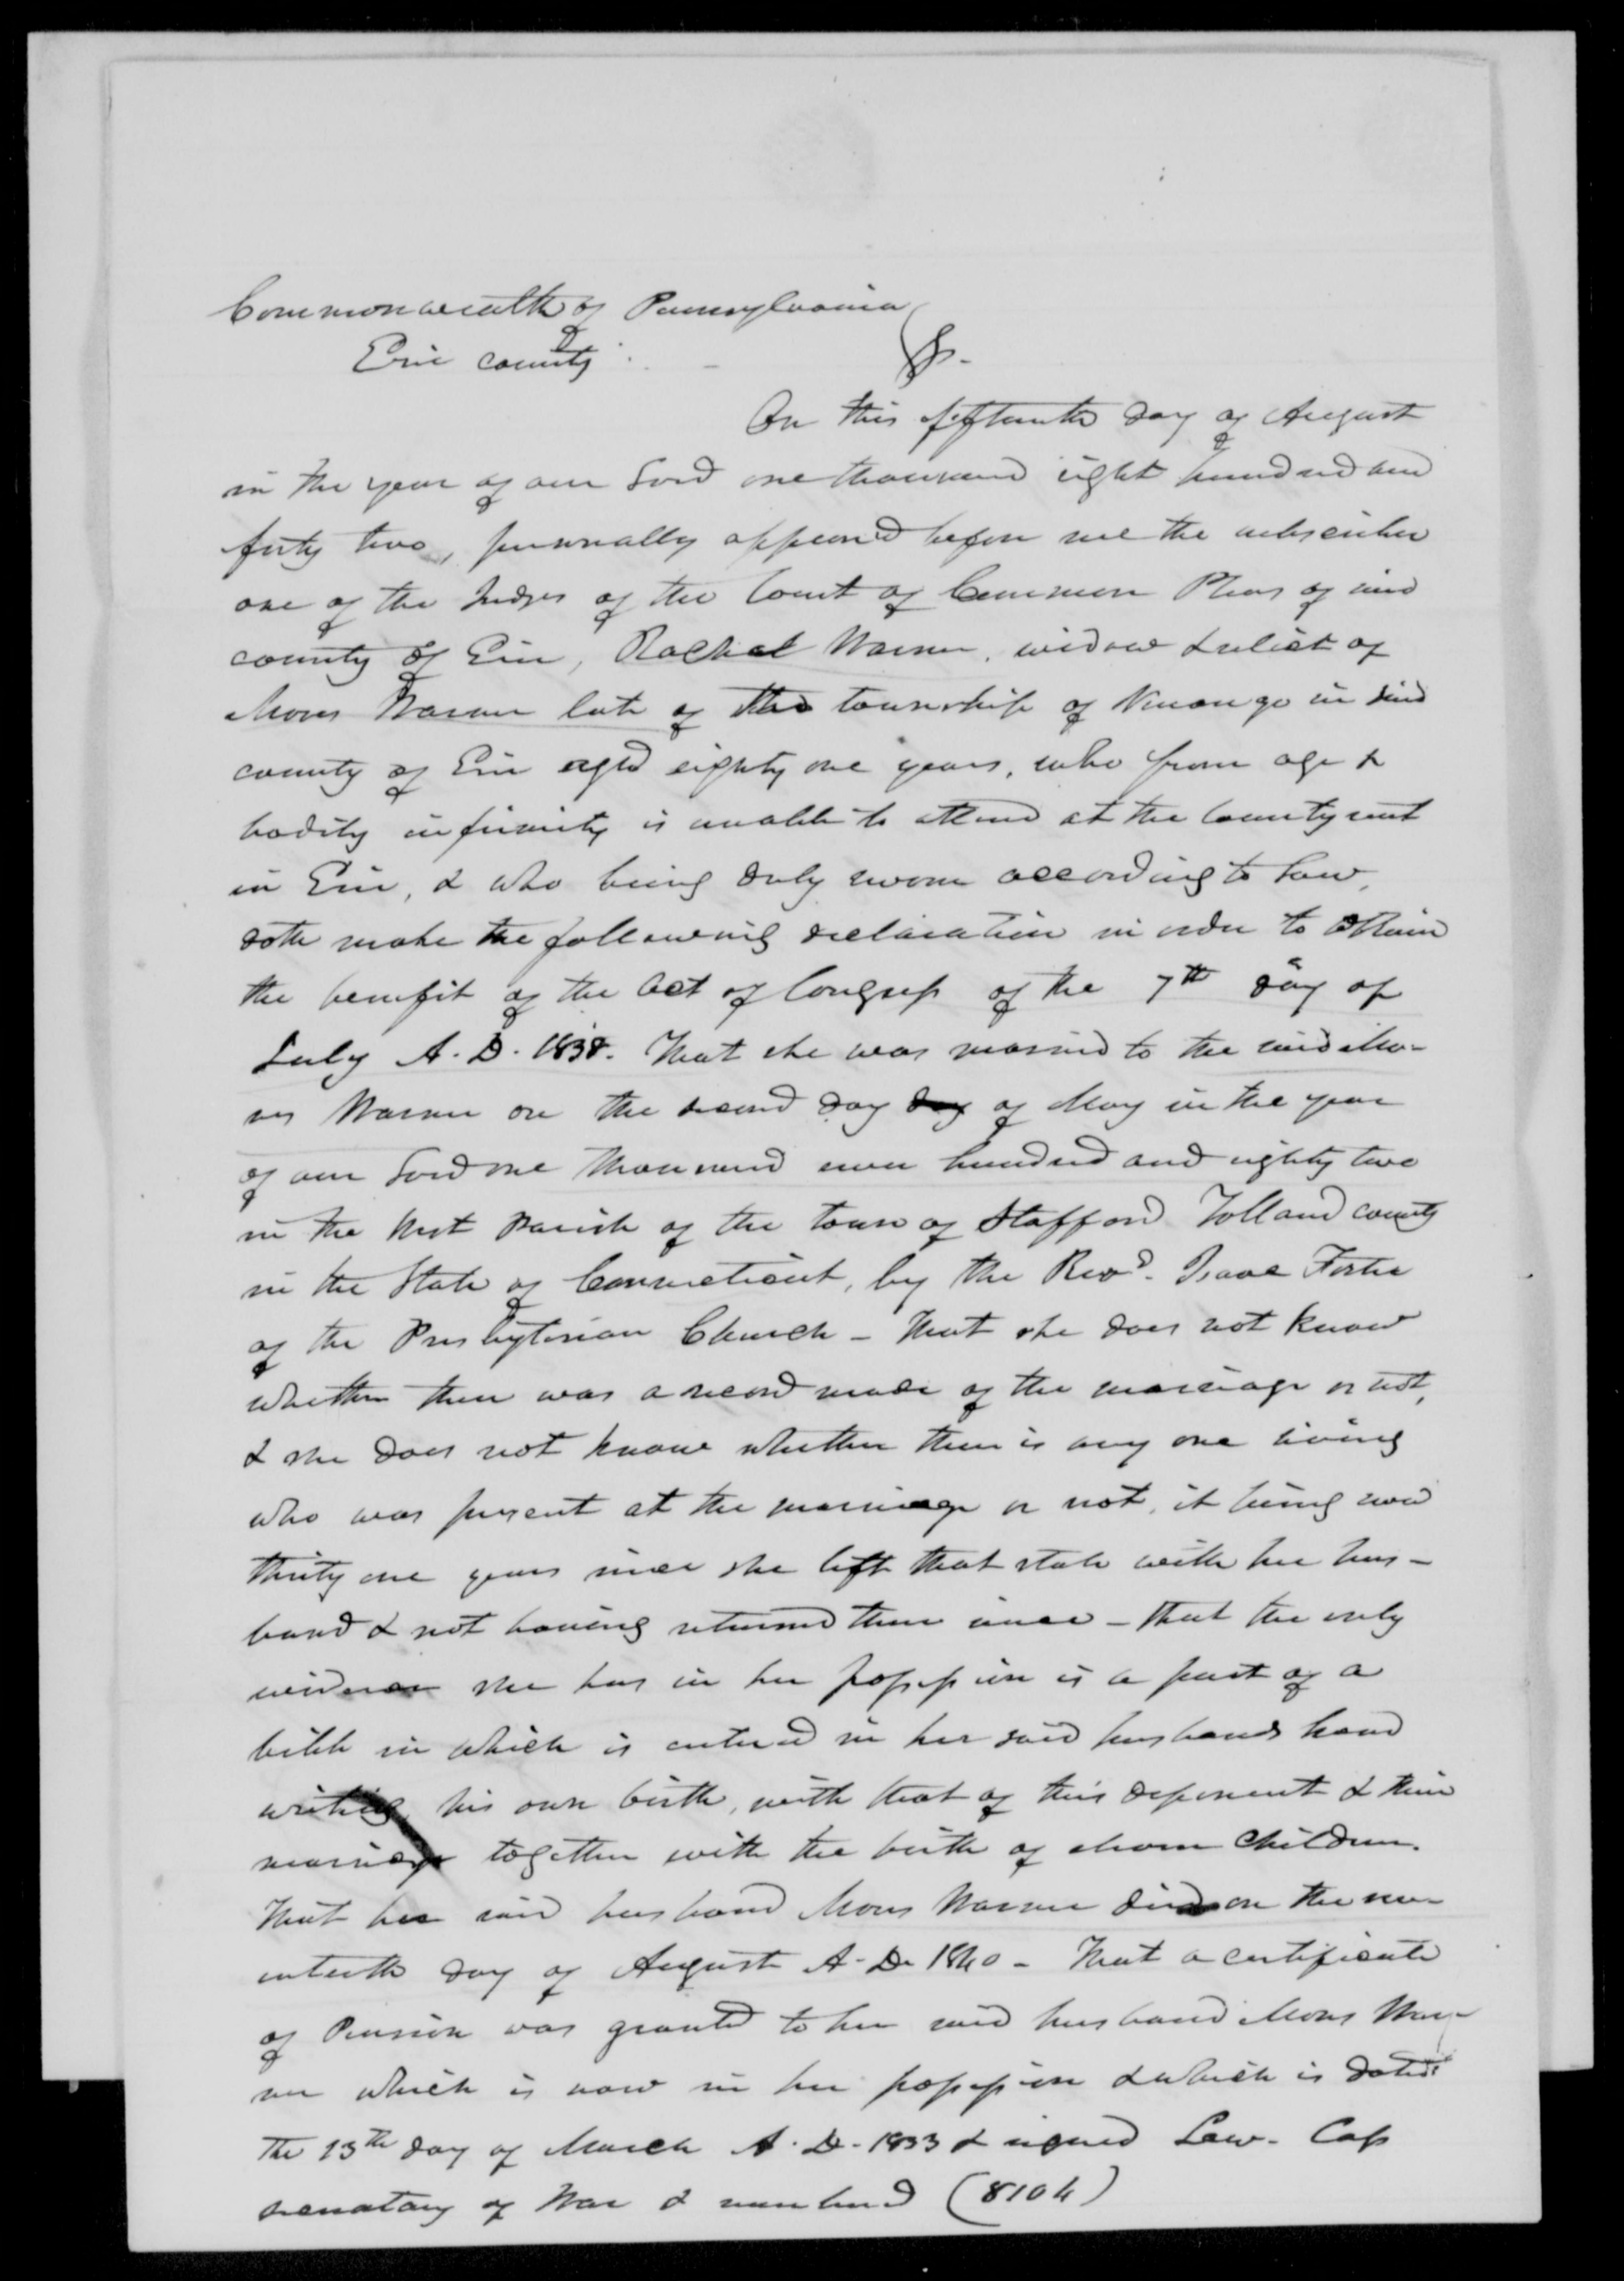Commonwealth of Pennsylvania
Erie County
On this fifteenth day of August
in the year of our Lord one thousand eight hundred and
forty two personally appeared before me the subscriber 
one of the Judges of the Court of Common Pleas of said
county of Erie, Rachel Warner widow  and [illegible] of
Moses Warner late of the township of Venango in said
County of Erin aged eighty one years, who from age and
bodily infirmity is unable to attend at the County court
in Erie, and who being duly sworn according to law
doth make the following declaration in order to obtain
the benefit of the Act of Congress of the 7th day of
July A.D. 1838. That she was married to the said Moses Warner on the second day of May in the year
of our Lord one Thousand seven hundred and eighty two
in the west parish of the town of Stafford Tolland county
in the state of Connecticut by the Revd. Isaac Foster
of the Presbyterian Church- That she does not know
whether there was a record made of the marriage or not
and she does not know whether there is any one living
who was present at the marriage or not it being now
thirty one years since she left that state with her hus-
band and not having returned there since. that the only
witness she has in her possession is a part of a 
bible in which is entered in her said husbands hand
writing his own birth with that of this deponent and his
marriage together with the both of their children.
That her said husband Moses Warner died on the seventeeth day of August A.D. 1840- That a certificate
of Pension was granted to her said husband Moses Warner which is now in her possession and which is dated
the 13th day of March A.D. 1833 and signed Lewis Cass
secretary of War and numbered (8104)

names: Moses Warner, Moses Warner, Isaac Foster, Warner, Lew Cass, Moses Warner, Rachel Warner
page: 7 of 40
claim: widow's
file: W. 3742, Moses Warner, Conn.